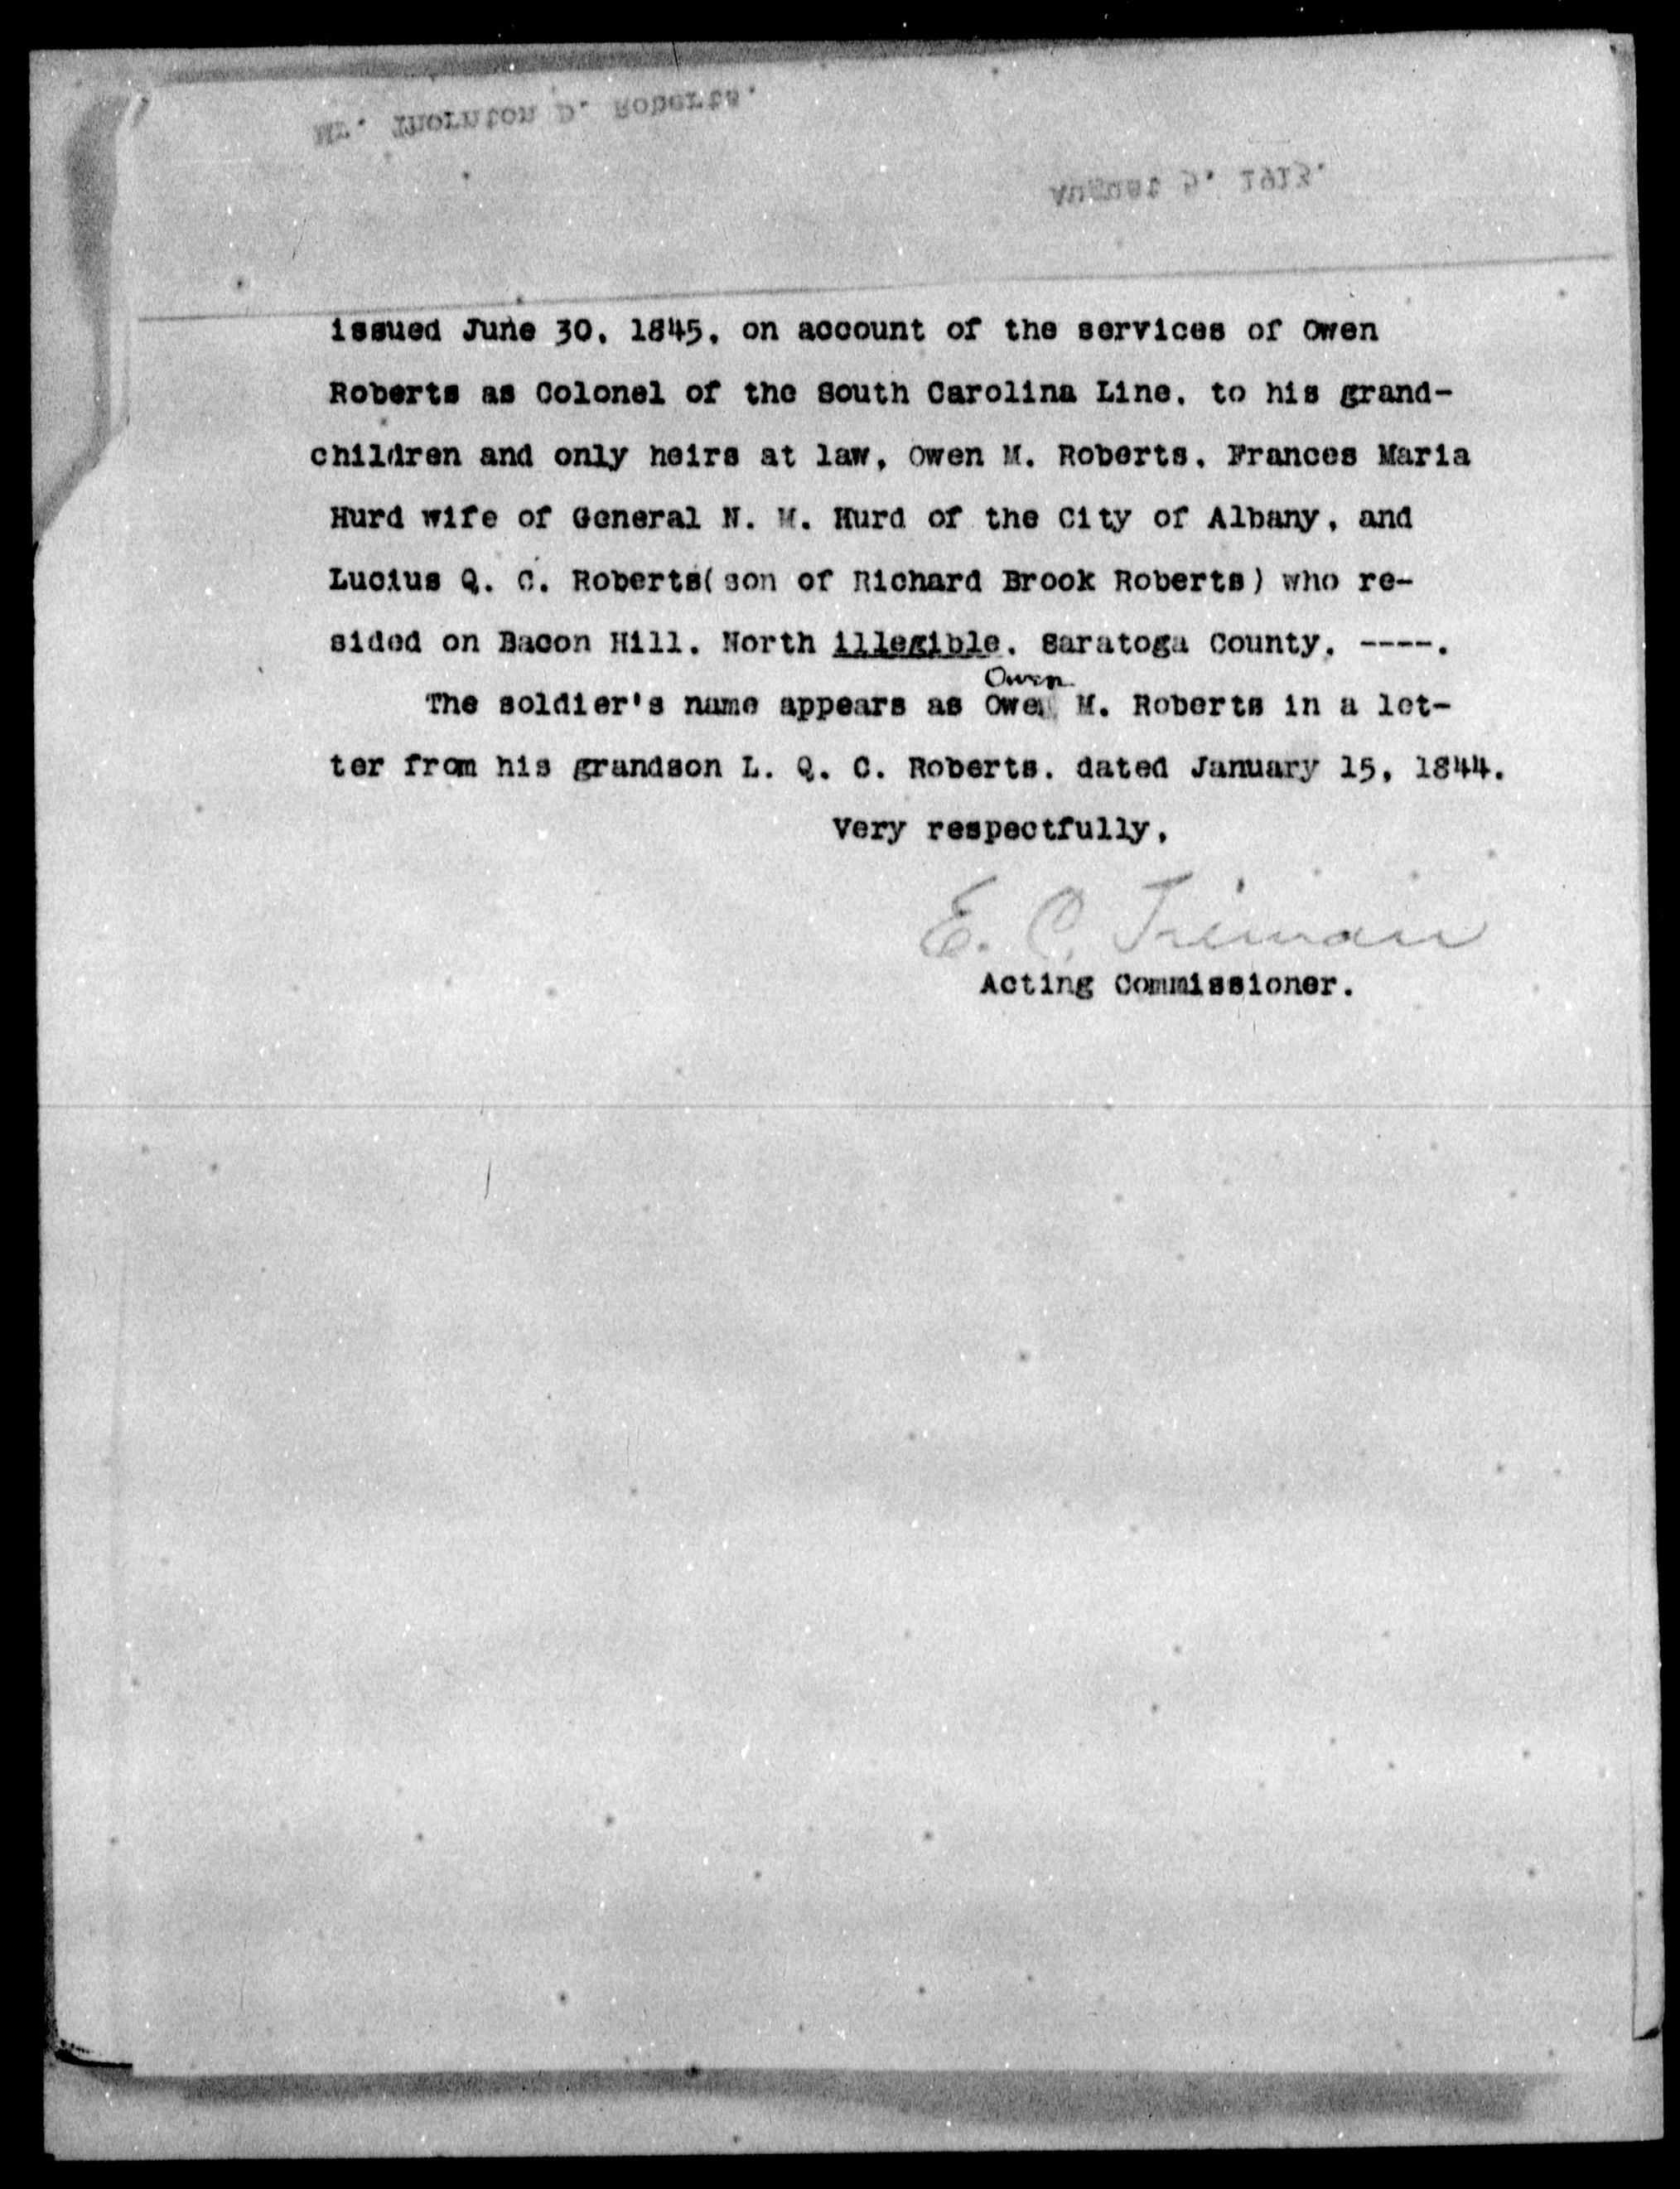issued June 30, 1845. on account of the services or Owen Roberts as Colonel of the South Carolina Line, to his grand-children and only heirs at law, Owen M. Roberts, Frances Maria Hurd wife of General N. M. Hurd of the City or Albany, and Lucius Q. C. Roberts( son of Richard Brook Roberts) who resided on Bacon Hill, North illegible [previous word underlined], Saratoga County, ----.
The soldier's name appears as Owen M. Roberts in a letter from his grandson L. Q. C. Roberts, dated January 15, 1844.
Very respectfully,
E.C. Truman
Acting Commissioner.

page: 46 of 59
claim: bounty land warrant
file: B.L.Wt. 2359-500, for Owen Roberts, South Carolina